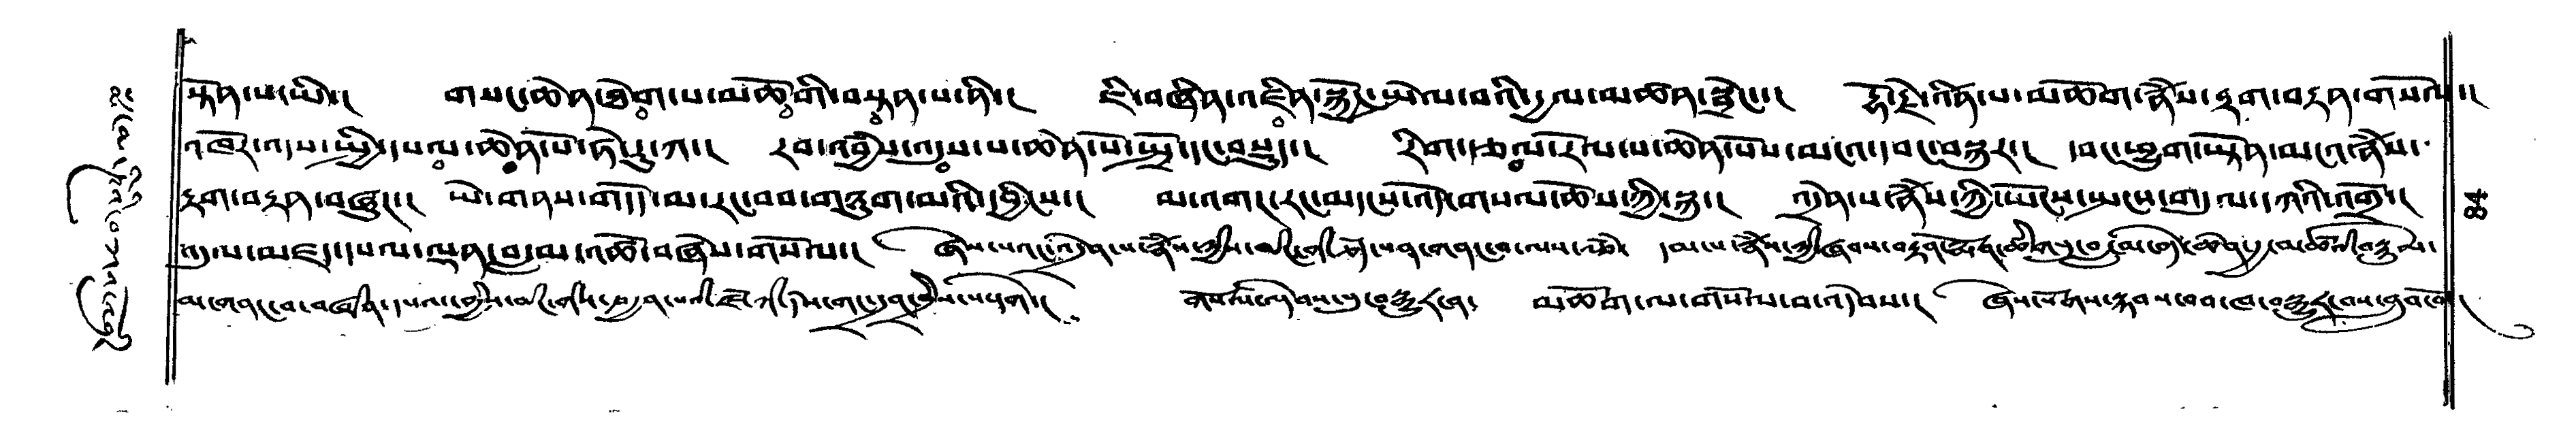སྟོན་པ་ཡི། །གསང་ཆེན་ཐེག་པ་མཆོག་གི་བསྟན་པ་ནི། །ཇི་བཞིན་འཛིན་སྐྱོང་སྤེལ་བའི་རྒྱལ་མཚན་སྒྲེང་། །རྡོ་རྗེ་འཛིན་པ་མཆོག་རྣམས་རྟག་བརྟན་གསོལ། །
འཁོར་འདས་སྤྱི་དཔལ་ཆེན་པོ་ཧེ་རུ་ཀ །རབ་འབྱམས་འདུས་པ་ཆེན་པོ་སྤྲོ་དང་སྡུད། །རིག་རྩལ་རོལ་པ་ཆེན་པོར་མངའ་དབང་སྒྱུར། །དབང་ཕྱུག་ཡོན་ཏན་མངའ་རྣམས་
རྟག་བརྟན་བཞུགས། །ཡེ་གནས་གདོད་མ་རང་བབས་གཉུག་མའི་དབྱིངས། །མ་འགགས་རང་མདངས་འོད་གསལ་ཆོས་ཀྱི་སྐུ། །འདྲེན་པ་རྣམས་ཀྱིས་ཡོངས་སྤངས་གདུལ་ཀའི་འགྲོ། །
འདུལ་མཛད་དཔལ་ལྡན་བླ་མ་འཚོ་བཞེས་གསོལ། ཞེས་པའང་འདྲེན་པ་རྣམས་ཀྱིས་མིང་གི་ཅོད་པཎ་གནང་བ་ལས་བརྩམས། དམ་པ་རྣམས་ཀྱི་ཞབས་བརྟན་སྨོན་ཚིག་ཏུ་བླ་མ་བདེ་ཆེན་རྒྱ་མཚོའི་བསྐུལ་
མ་གནང་བ་བཞིན་དཔལ་གྱི་མིང་གིས་བརྒྱན་པའི་ཛོ་ཀི་དེས་གང་དྲན་བྲིས་པ་དགེ།གསོལ་འདེབས་སུ་བསྒྱུར་ན། མཆོག་ལ་གསོལ་བ་འདེབས། ཞེས་སོགས་སྐབས་བབ་ཁ་བསྒྱུར་བས་གྲུབ་བོ།། དགེའོ།།